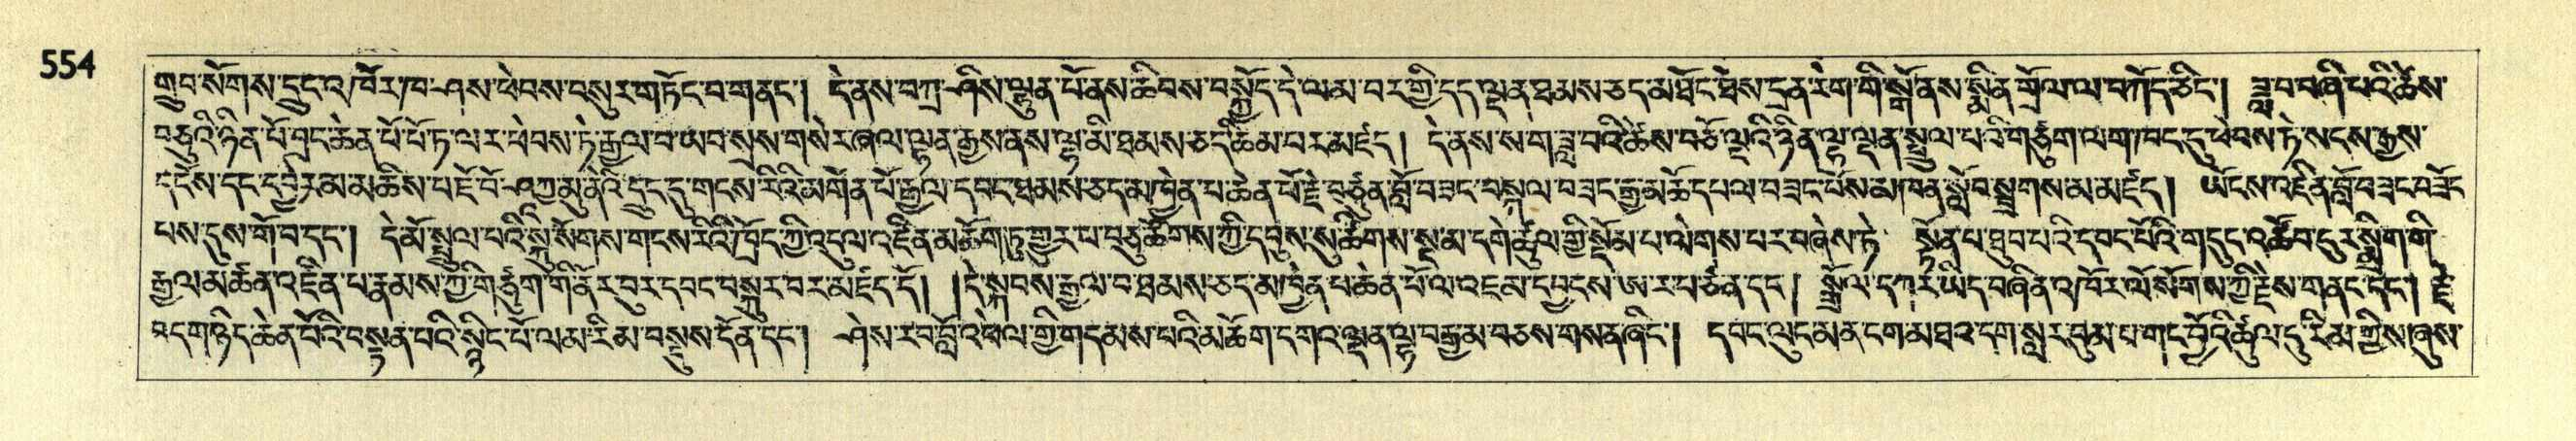གྲུབ་སོགས་དྲུང་འཁོར་ཁ་ཤས་ཕེབས་བསུར་གཏོང་བ་གནང་། དེ་ནས་བཀྲ་ཤིས་ལྷུན་པོ་ནས་ཆིབས་བསྐྱོད་དེ་ལམ་བར་གྱི་དད་ལྡན་ཐམས་ཅད་མཐོང་ཐོས་དྲན་རེག་གི་སྒོ་ནས་སྨིན་གྲོལ་ལ་བཀོད་ཅིང་། ཟླ་བ་བཞི་པའི་ཚེས་
བཅུའི་ཉིན་པོ་བྲང་ཆེན་པོ་པོ་ཏ་ལར་ཕེབས་ཏེ་རྒྱལ་བ་ཡབ་སྲས་གསེར་ཞལ་ལྷན་རྒྱས་ནས་ལྷ་མི་ཐམས་ཅད་ཚིམ་པར་མཛད། དེ་ནས་ས་ག་ཟླ་བའི་ཚེས་བཅོ་ལྔའི་ཉིན་ལྷ་ལྡན་སྤྲུལ་པའི་གཙུག་ལག་ཁང་དུ་ཕེབས་ཏེ་སངས་རྒྱས་
དངོས་དང་དབྱེར་མ་མཆིས་པ་ཇོ་བོ་ཤཱཀྱ་མུ་ནེའི་དྲུང་དུ་གངས་རིའི་མགོན་པོ་རྒྱལ་དབང་ཐམས་ཅད་མཁྱེན་པ་ཆེན་པོ་རྗེ་བཙུན་བློ་བཟང་བསྐལ་བཟང་རྒྱ་མཚོ་དཔལ་བཟང་པོས་མཁན་སློབ་སྦྲགས་མ་མཛད། ཡོངས་འཛིན་བློ་བཟང་བཟོད་
པས་དུས་གོ་བ་དང་། དེ་མོ་སྤྲུལ་པའི་སྐུ་སོགས་གངས་རིའི་ཁྲོད་ཀྱི་འདུལ་འཛིན་མཆོག་ཏུ་གྱུར་པ་བཅུ་ཚོགས་ཀྱི་དབུས་སུ་ཚིགས་སྔ་མ་དགེ་ཚུལ་གྱི་སྡོམ་པ་ལེགས་པར་བཞེས་ཏེ། སྟོན་པ་ཐུབ་པའི་དབང་པོའི་གདུང་འཚོ་བ་དུར་སྨྲིག་གི་
རྒྱལ་མཚན་འཛིན་པ་རྣམས་ཀྱི་གཙུག་གི་ནོར་བུར་དབང་བསྐུར་བར་མཛད་དོ། དེ་སྐབས་རྒྱལ་བ་ཐམས་ཅད་མཁྱེན་པ་ཆེན་པོ་ལ་འཇམ་དབྱངས་ཨ་ར་པ་ཙ་ན་དང་། སྒྲོལ་དཀར་ཡིད་བཞིན་འཁོར་ལོ་སོགས་ཀྱི་རྗེས་གནང་དང་། རྗེ་
བདག་ཉིད་ཆེན་པོའི་བསྟན་པའི་སྙིང་པོ་ལམ་རིམ་བསྡུས་དོན་དང་། ཤེས་རབ་བློ་འཕེལ་གྱི་གདམས་པའི་མཆོག་དགའ་ལྡན་ལྷ་བརྒྱ་མ་བཅས་གསན་ཞིང་། དབང་ལུང་མན་ངག་མཐའ་དག་སླར་བུམ་པ་གང་བྱོའི་ཚུལ་དུ་རིམ་གྱིས་ཞུས་